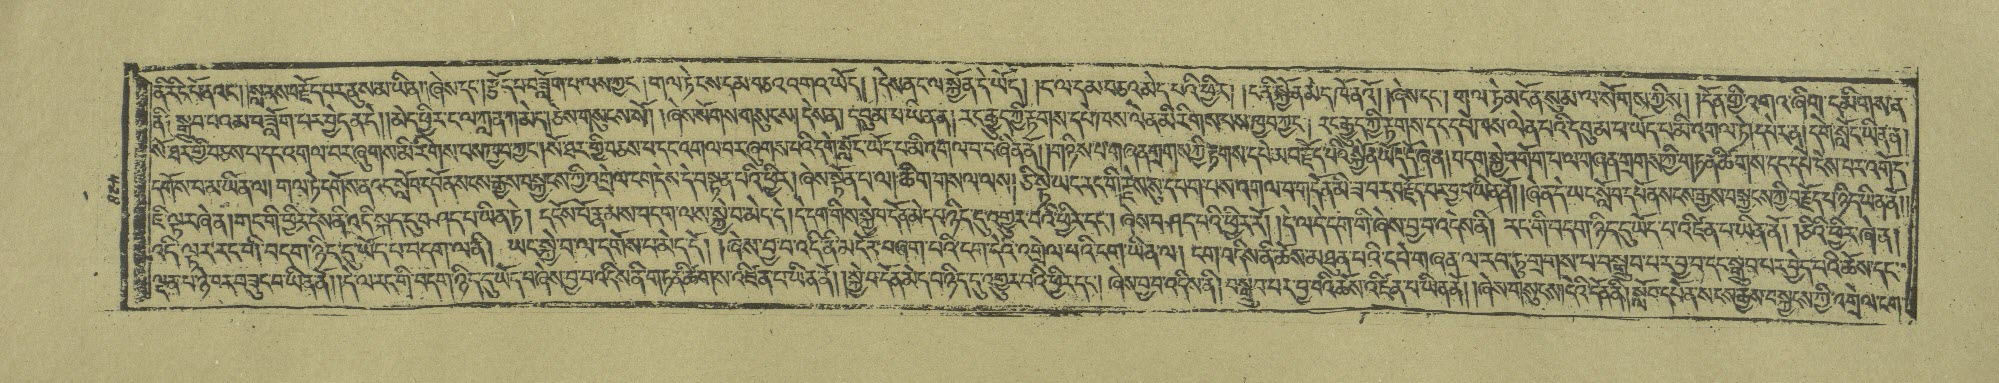ནི་རིང་པོ་ནའང་། །སླ་ནས་བརྗོད་པར་ནུས་མ་ཡིན། །ཞེས་དང་། རྩོད་པ་བཟློག་པ་ལས་ཀྱང་། གལ་ཏེ་ངས་དམ་བཅའ་འགའ་ཡོད། །དེས་ནང་ལ་སྐྱོན་དེ་ཡོད། །ང་ལ་དམ་བཅའ་མེད་པའི་ཕྱིར། །ང་ནི་སྐྱོན་མེད་ཁོ་ནའོ། །ཞེས་དང་། གལ་ཏེ་མངོན་སུམ་ལ་སོགས་ཀྱིས། །དོན་གྱི་འགའ་ཞིག་དམིགས་ན་
ནི། སྒྲུབ་པའམ་བཟློག་པར་བྱེད་ན་དེ། །མེད་ཕྱིར་ང་ལ་ཀླན་ཀ་མེད། །ཅེས་གསུངས་སོ། །ཞེས་སོགས་གསུངས། དེས་ན། དབུ་མ་པ་ཡིན་ན། རང་རྒྱུད་ཀྱི་རྟགས་དཔེ་ཁས་ལེན་མི་རིགས་པས་ཁྱབ་ཀྱང་། རང་རྒྱུད་ཀྱི་རྟགས་དང་དགེ་ཁས་ལེན་པའི་དབུ་མ་པ་ཡོད་པ་མི་འགལ་ཏེ། དཔེར་ན། དགེ་སློང་ཡིན་ན།
སོ་ཐར་གྱི་བཅས་པ་དང་འགལ་བར་ཞུགས་མི་རིགས་པས་ཁྱབ་ཀྱང་། སོ་ཐར་གྱི་བཅས་པ་དང་འགལ་བར་ཞུགས་པའི་དགེ་སློང་ཡོད་པ་མི་འགལ་བ་བཞིན་ནོ། །གཉིས་པ་གཞན་གྲགས་ཀྱི་རྟགས་དཔེ་མ་བརྗོད་པའི་སྐྱོན་ཡོད་དོ་ཞེ་ན། བདག་སྐྱེ་འགོག་པ་ལ་གཞན་གྲགས་ཀྱི་གཏན་ཚིགས་དང་དཔེ་ངེས་པར་འགོད་
དགོས་པ་མ་ཡིན་ལ། གལ་ཏེ་དགོས་ནའང་སློབ་དཔོན་སངས་རྒྱས་བསྐྱངས་ཀྱི་འགྲེལ་ངག་དེས་དེ་བསྟན་པའི་ཕྱིར། ཞེས་སྟོན་པ་ལ། ཚིག་གསལ་ལས། ཅི་སྟེ་ཡང་རང་གི་རྗེས་སུ་དཔག་པས་འགལ་བ་གདོན་མི་ཟ་བར་བརྗོད་པར་བྱ་བ་ཡིན་ནོ། །ཞེན་དེ་ཡང་སློབ་དཔོན་སངས་རྒྱས་བསྐྱངས་ཀྱི་བརྗོད་པ་ཉིད་ཡིན་ནོ། །
ཇི་ལྟར་ཞེ་ན། གང་གི་ཕྱིར་དེས་ནི་འདི་སྐད་དུ་བཤད་པ་ཡིན་ཏེ། དངོས་པོ་རྣམས་བདག་ལས་སྐྱེ་བ་མེད་དེ། དེ་དག་གིས་སྐྱེ་བ་དོན་མེད་པ་ཉིད་དུ་འགྱུར་བའི་ཕྱིར་དང་། ཞེས་བཤད་པའི་ཕྱིར་རོ། །དེ་ལ་དེ་དག་གི་ཞེས་བྱ་བ་འདེས་ནི། རང་གི་བདག་ཉིད་དུ་ཡོད་པ་འཛིན་པ་ཡིན་ནོ། །ཅིའི་ཕྱིར་ཞེ་ན།
འདི་ལྟར་རང་གི་བདག་ཉིད་དུ་ཡོད་པ་བདག་ལ་ནི། ཡང་སྐྱེ་བ་ལ་དགོས་པ་མེད་དོ། །ཞེས་བྱ་བ་འདི་ནི་མདོར་བཞག་པའི་ངག་དེའི་འགྲེལ་བའི་ངག་ཡིན་ལ། ངག་འདིས་ནི་ཆོས་མཐུན་པའི་དཔེ་གཞན་ལ་རབ་ཏུ་གྲགས་པ་བསྒྲུབ་པར་བྱ་བ་དང་སྒྲུབ་པར་བྱེད་པའི་ཆོས་དང་
ལྡན་པ་ཉེ་བར་བཟུང་བ་ཡིན་ནོ། །དེ་ལ་རང་གི་བདག་ཉིད་དུ་ཡོད་པ་ཞེས་བྱ་བ་འདིས་ནི་གཏན་ཚིགས་འཛིན་པ་ཡིན་ནོ། །སྐྱེ་བ་དོན་མེད་པ་ཉིད་དུ་འགྱུར་བའི་ཕྱིར་དང་། ཞེས་བྱ་བ་འདིས་ནི། བསྒྲུབ་པར་བྱ་བའི་ཆོས་འཛིན་པ་ཡིན་ནོ། །ཞེས་གསུངས། དེའི་དོན་ནི། སློབ་དཔོན་སངས་རྒྱས་བསྐྱངས་ཀྱི་འགྲེལ་ངག་